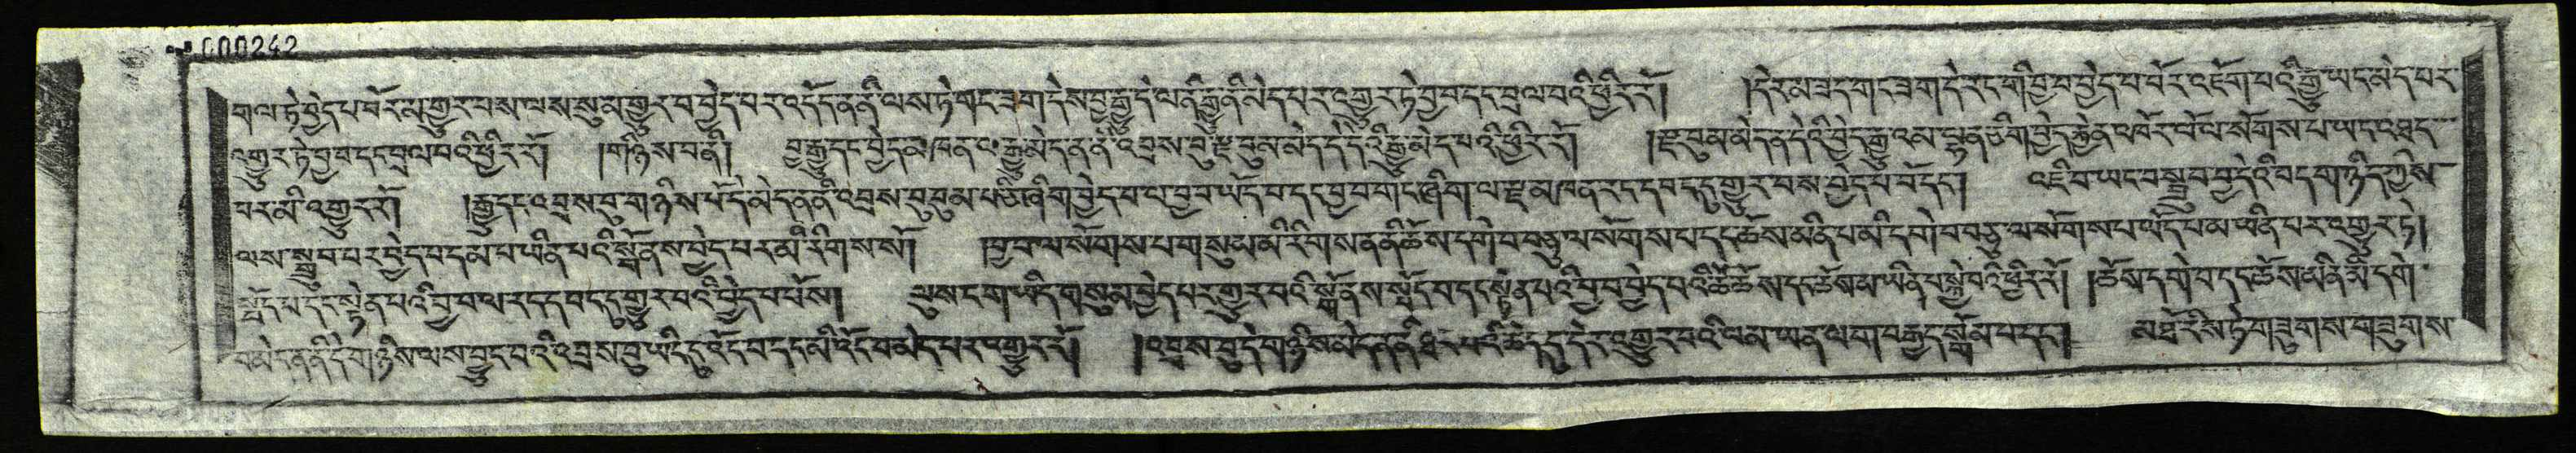གལ་ཏེ་བྱེད་པ་བོར་མ་གྱུར་པས་ལས་སུ་མ་གྱུར་བ་བྱེད་པར་འདོད་ན་ནི་ལས་ཏེ་གང་ཟག་དེས་བྱ་རྒྱུ་དེ་ལ་ནི་རྒྱུ་ནི་མེད་པར་འགྱུར་ཏེ་བྱ་བ་དང་བྲལ་བའི་ཕྱིར་རོ། །དེར་མ་ཟད་གང་ཟག་དེ་རང་གི་བྱ་བ་བྱེད་པ་པོར་འཇོག་པའི་རྒྱུ་ཡང་མེད་པར་
འགྱུར་ཏེ་བྱ་བ་དང་བྲལ་བའི་ཕྱིར་རོ། །གཉིས་པ་ནི། བྱ་རྒྱུ་དང་བྱེད་མཁན་ལ་རྒྱུ་མེད་ན་ནི་འབྲས་བུ་རྫ་བུམ་མེད་དེ་དེའི་རྒྱུ་མེད་པའི་ཕྱིར་རོ། །རྫ་བུམ་མེད་ན་དེའི་བྱེད་རྒྱུ་འམ་ལྷན་ཅིག་བྱེད་རྐྱེན་འཁོར་ལོ་ལ་སོགས་པ་ཡང་འཐད་
པར་མི་འགྱུར་རོ། །རྒྱུ་དང་འབྲས་བུ་གཉིས་པོ་དེ་མེད་ན་ནི་འབྲས་བུ་བུམ་པ་ཅི་ཞིག་བྱེད་པ་ལ་བྱ་བ་ཡོད་པ་དང་བྱ་བ་གང་ཞིག་ལ་རྫ་མཁན་རང་དབང་དུ་གྱུར་པས་བྱེད་པ་པོ་དང་། འཇི་བ་ཡང་བསྒྲུབ་བྱ་དེའི་བདག་ཉིད་ཀྱིས་
ལས་སྒྲུབ་པར་བྱེད་པ་དམ་པ་ཡིན་པའི་སྒོ་ནས་བྱེད་པར་མི་རིགས་སོ། །བྱ་བ་ལ་སོགས་པ་གསུམ་མི་རིགས་ན་ནི་ཆོས་དགེ་བ་བཅུ་ལ་སོགས་པ་དང་ཆོས་མིན་པ་མི་དགེ་བ་བཅུ་ལ་སོགས་པ་ཡོད་པ་མ་ཡིན་པར་འགྱུར་ཏེ།
སྤོང་པ་དང་སྟེན་པའི་བྱ་བ་ལ་རང་དབང་དུ་གྱུར་པའི་བྱེད་པ་པོས། ལུས་ངག་ཡིད་གསུམ་བྱེད་པར་གྱུར་པའི་སྒོ་ནས་སྤོང་བ་དང་སྟེན་པའི་བྱ་བ་བྱེད་པའི་ཚེ་ཆོས་དང་ཆོས་མ་ཡིན་པ་སྐྱེ་བའི་ཕྱིར་རོ། །ཆོས་དགེ་བ་དང་ཆོས་མིན་མི་དགེ་
བ་མེད་ན་ནི་དེ་གཉིས་ལས་བྱུང་བའི་འབྲས་བུ་ཡིད་དུ་འོང་བ་དང་མི་འོང་བ་མེད་པར་འགྱུར་རོ། །འབྲས་བུ་དེ་གཉིས་མེད་ན་ནི་ཐར་བའི་ཆེད་དུ་དེར་འགྱུར་བའི་ལམ་ཡན་ལག་བརྒྱད་སྒོམ་པ་དང་། མཐོ་རིས་ཏེ་གཟུགས་གཟུགས་